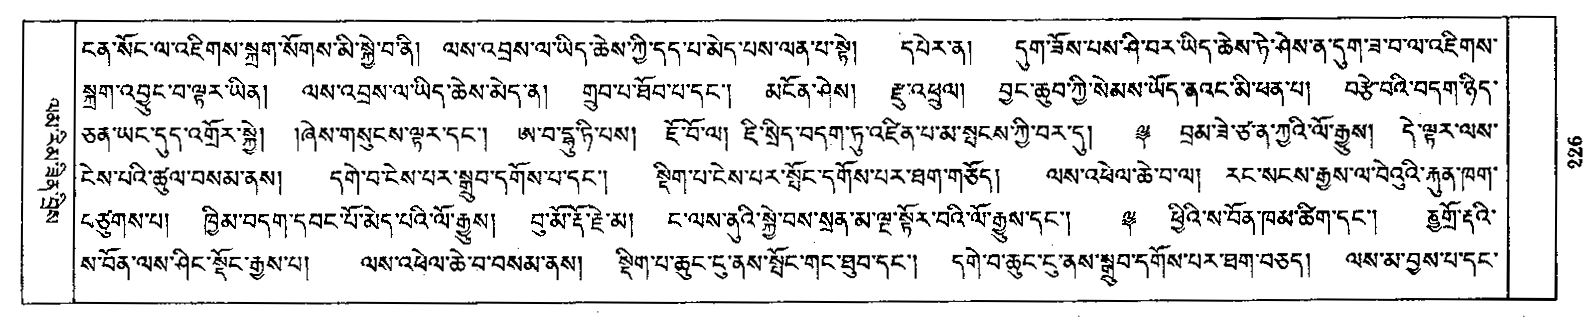ངན་སོང་ལ་འཇིགས་སྐྲག་སོགས་མི་སྐྱེ་བ་ནི། ལས་འབྲས་ལ་ཡིད་ཆེས་ཀྱི་དད་པ་མེད་པས་ལན་པ་སྟེ། དཔེར་ན། དུག་ཟོས་པས་ཤི་བར་ཡིད་ཆེས་ཏེ་ཤེས་ན་དུག་ཟ་བ་ལ་འཇིགས་
སྐྲག་འབྱུང་བ་ལྟར་ཡིན། ལས་འབྲས་ལ་ཡིད་ཆེས་མེད་ན། གྲུབ་པ་ཐོབ་པ་དང་། མངོན་ཤེས། རྫུ་འཕྲུལ། བྱང་ཆུབ་ཀྱི་སེམས་ཡོད་ནའང་མི་ཕན་པ། བརྩེ་བའི་བདག་ཉིད་
ཅན་ཡང་དུད་འགྲོར་སྐྱེ། །ཞེས་གསུངས་ལྟར་དང་། ཨ་བ་དྷུ་ཏི་པས། ཇོ་བོ་ལ། ཇི་སྲིད་བདག་ཏུ་འཛིན་པ་མ་སྤངས་ཀྱི་བར་དུ། ༈ བྲམ་ཟེ་ཙ་ན་ཀྱའི་ལོ་རྒྱུས། དེ་ལྟར་ལས་
ངེས་པའི་ཚུལ་བསམ་ནས། དགེ་བ་ངེས་པར་སྒྲུབ་དགོས་པ་དང་། སྡིག་པ་ངེས་པར་སྤོང་དགོས་པར་ཐག་གཅོད། ལས་འཕེལ་ཆེ་བ་ལ། རང་སངས་རྒྱས་ལ་བེའུའི་རྐུན་ཁག་
བཙུགས་པ། ཁྱིམ་བདག་དབང་པོ་མེད་པའི་ལོ་རྒྱུས། བུ་མོ་རྡོ་རྗེ་མ། ང་ལས་ནུའི་སྐྱེ་བས་སྲན་མ་ལྔ་སྟོར་བའི་ལོ་རྒྱུས་དང་། ༈ ཕྱིའི་ས་བོན་ཁམ་ཚིག་དང་། ཎྱགྲོ་རྡའི་
ས་བོན་ལས་ཤིང་སྡོང་རྒྱས་པ། ལས་འཕེལ་ཆེ་བ་བསམ་ནས། སྡིག་པ་ཆུང་ངུ་ནས་སྤོང་གང་ཐུབ་དང་། དགེ་བ་ཆུང་ངུ་ནས་སྒྲུབ་དགོས་པར་ཐག་བཅད། ལས་མ་བྱས་པ་དང་